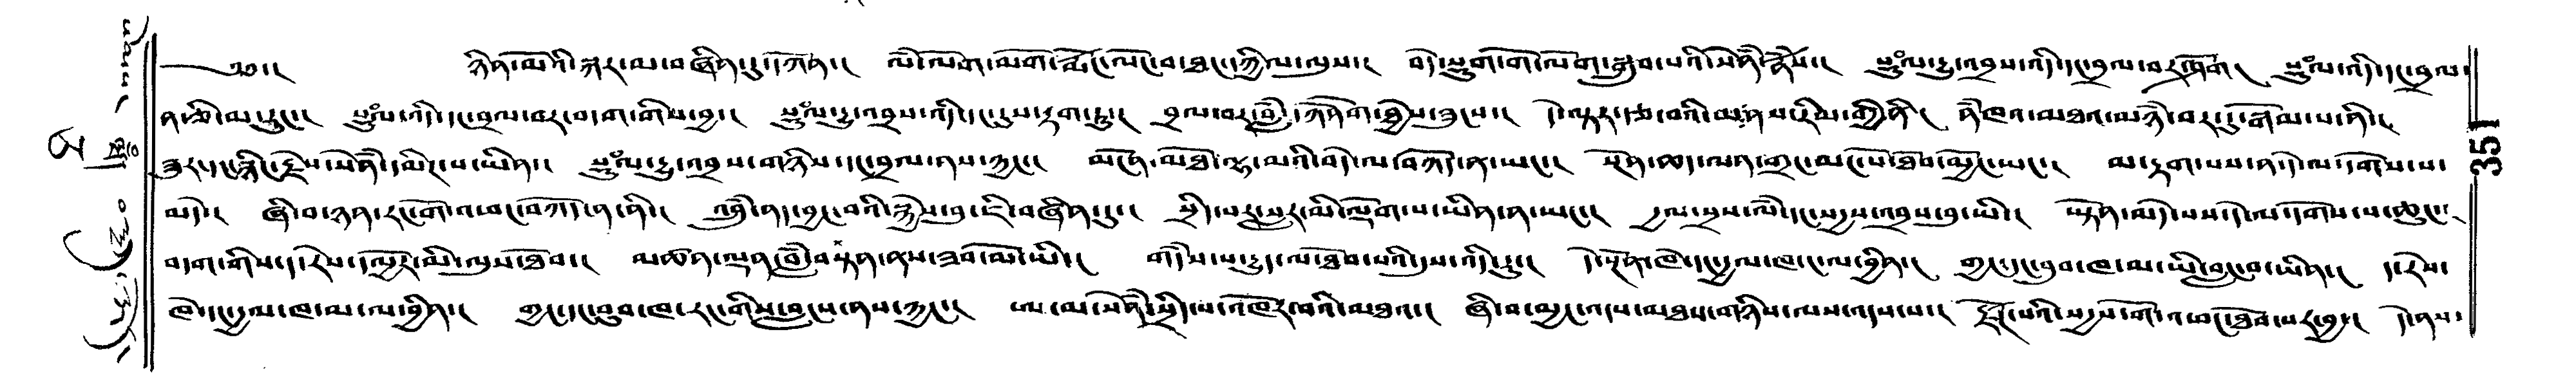མོའི་སྐར་མ་བཞིན་དུ་དཀོན། །ལམ་ལོག་མགོ་རྨོངས་ལོང་བ་ཐང་དཀྱིལ་ལུས། །བདེ་སྡུག་གོ་ལོག་སྒྲུབ་པའི་སེམས་ཅན་རྣམས། །སྡུག་བསྔལ་རྒྱུ་འབྲས་འདི་དང་བྲལ་བར་ཤོག །སྡུག་བསྔལ་འདི་དང་བྲལ་
ན་ཅི་མ་རུང་། །སྡུག་བསྔལ་འདི་དང་བྲལ་བར་བདག་གིས་བྱ། །སྡུག་བསྔལ་རྒྱུ་འབྲས་འདི་དང་དུས་རྟག་ཏུ། །བྲལ་བར་བླ་མ་དཀོན་མཆོག་ཐུགས་ཀྱིས་ཟུངས། །དེ་ལྟར་རྩ་བའི་མན་ངག་རིམ་གྱིས་ནི། །ནམ་མཁའི་མཐའ་མཉམ་བར་དུ་སྒོམ་པ་ནི། །
ཟུར་དང་སྙིང་རྗེས་སེམས་ཅན་དམིགས་པ་ཡིན། །སྡུག་བསྔལ་རྒྱུ་འབྲས་གཉིས་དང་བྲལ་ནས་ཀྱང་། །མངོན་མཐོ་ལྷ་དང་མི་ཡྀ་བདེ་བ་ནི། །སྔོན་ཆད་ལན་གྲངས་མང་པོར་ཐོབ་མྱོང་མོད། །མི་རྟག་པས་ན་དེ་ལ་དགོས་པ་
མེད། །ཞི་བ་ཉན་རང་གོ་འཕང་བཀོད་ན་ནི། །འབྲུམ་ནད་བྱང་བའི་སྐྱེས་བུ་ཇི་བཞིན་དུ། །སྲིད་པར་སླར་མི་ལྡོག་པ་ཡིན་ན་ཡང་། །རྒྱལ་སྲས་ལམ་དང་སངས་རྒྱས་འབྲས་བུ་ཡི། །ཡོན་ཏན་མེད་པས་དེ་ལ་དགོས་པ་ཆུང་། །
བདག་གིས་ད་རེས་དལ་འབྱོར་མི་ལུས་ཐོབ། །མཚན་ལྡན་བླ་མ་བསྟེན་ནས་ཟབ་མོ་ཡི། །གདམས་པ་རྒྱུད་ལ་ཐོབ་པའི་དུས་འདི་རུ། །དེ་སྔོན་ཁེ་དང་རྒྱལ་ཁ་ང་ལ་བྱིན། །གྱོང་དང་བུབ་ཁ་མ་ཡིས་བླངས་བ་ཡིན་། །ད་རེས་
ཁེ་དང་རྒྱལ་ཁ་མ་ལ་བྱིན། །གྱོང་དང་བུབ་ཁ་རང་གིས་བླངས་ནས་ཀྱང་། །ཨ་མ་སེམས་ཅན་སྲིད་པ་འཁོར་བའི་མཐའ། །ཞི་བ་མྱང་འདས་མཐའ་གཉིས་ལས་འདས་པ། །རྫོགས་པའི་སངས་རྒྱས་གོ་འཕང་འཐོབ་པར་བྱ། །དེ་ནས་